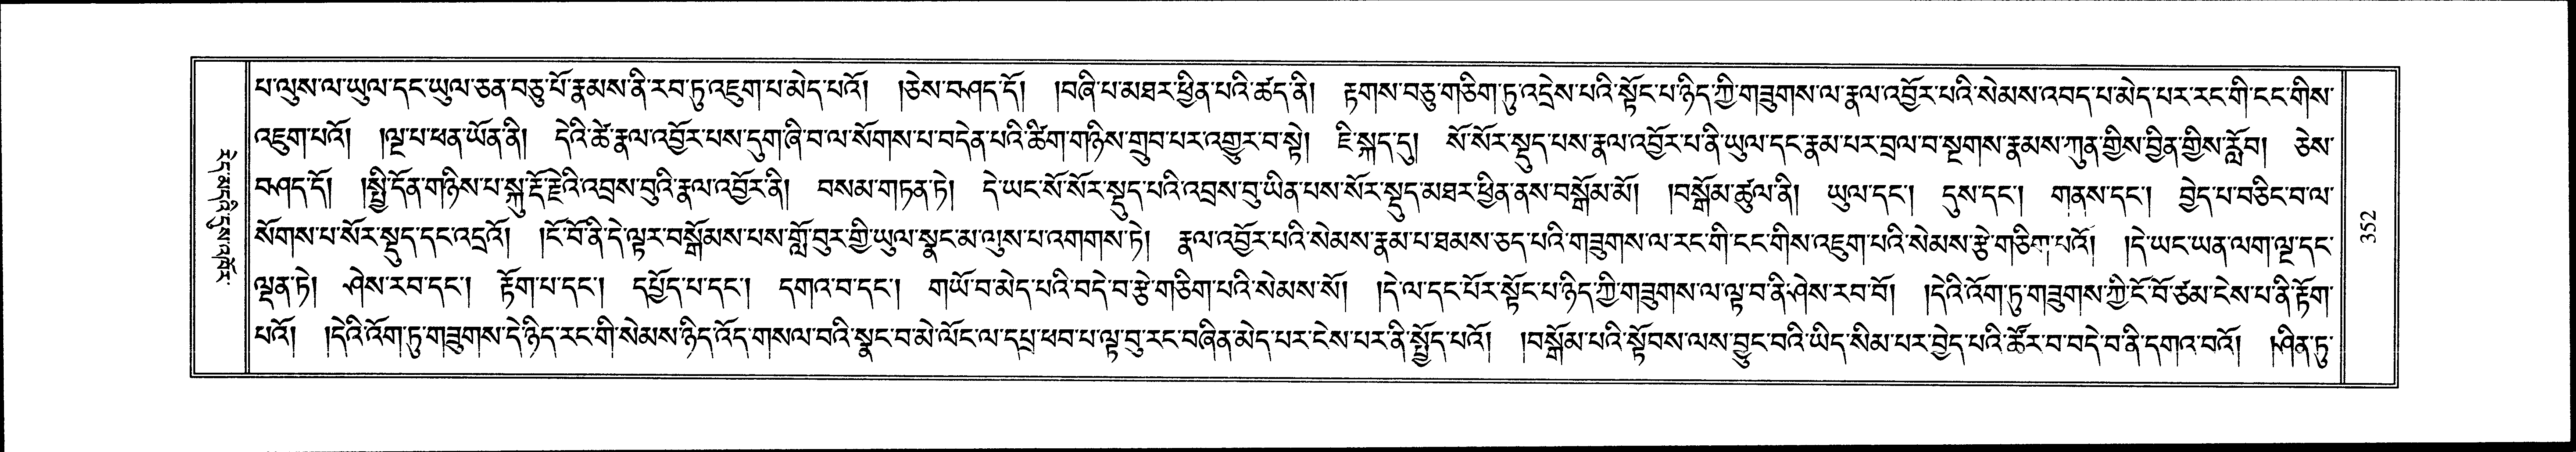པ་ལུས་ལ་ཡུལ་དང་ཡུལ་ཅན་བཅུ་པོ་རྣམས་ནི་རབ་ཏུ་འཇུག་པ་མེད་པའོ། །ཅེས་བཤད་དོ། །བཞི་པ་མཐར་ཕྱིན་པའི་ཚད་ནི། རྟགས་བཅུ་གཅིག་ཏུ་འདྲེས་པའི་སྟོང་པ་ཉིད་ཀྱི་གཟུགས་ལ་རྣལ་འབྱོར་པའི་སེམས་འབད་པ་མེད་པར་རང་གི་ངང་གིས་
འཇུག་པའོ། །ལྔ་པ་ཕན་ཡོན་ནི། དེའི་ཚེ་རྣལ་འབྱོར་པས་དུག་ཞི་བ་ལ་སོགས་པ་བདེན་པའི་ཚིག་གཉིས་གྲུབ་པར་འགྱུར་བ་སྟེ། ཇི་སྐད་དུ། སོ་སོར་སྡུད་པས་རྣལ་འབྱོར་པ་ནི་ཡུལ་དང་རྣམ་པར་བྲལ་བ་སྔགས་རྣམས་ཀུན་གྱིས་བྱིན་གྱིས་རློབ། ཅེས་
བཤད་དོ། །སྤྱི་དོན་གཉིས་པ་སྐུ་རྡོ་རྗེའི་འབྲས་བུའི་རྣལ་འབྱོར་ནི། བསམ་གཏན་ཏེ། དེ་ཡང་སོ་སོར་སྡུད་པའི་འབྲས་བུ་ཡིན་པས་སོར་སྡུད་མཐར་ཕྱིན་ནས་བསྒོམ་མོ། །བསྒོམ་ཚུལ་ནི། ཡུལ་དང་། དུས་དང་། གནས་དང་། བྱེད་པ་བཅིང་བ་ལ་
སོགས་པ་སོར་སྡུད་དང་འདྲའོ། །ངོ་བོ་ནི་དེ་ལྟར་བསྒོམས་པས་གློ་བུར་གྱི་ཡུལ་སྣང་མ་ལུས་པ་འགགས་ཏེ། རྣལ་འབྱོར་པའི་སེམས་རྣམ་པ་ཐམས་ཅད་པའི་གཟུགས་ལ་རང་གི་ངང་གིས་འཇུག་པའི་སེམས་རྩེ་གཅིག་པའོ། །དེ་ཡང་ཡན་ལག་ལྔ་དང་
ལྡན་ཏེ། ཤེས་རབ་དང་། རྟོག་པ་དང་། དཔྱོད་པ་དང་། དགའ་བ་དང་། གཡོ་བ་མེད་པའི་བདེ་བ་རྩེ་གཅིག་པའི་སེམས་སོ། །དེ་ལ་དང་པོར་སྟོང་པ་ཉིད་ཀྱི་གཟུགས་ལ་ལྟ་བ་ནི་ཤེས་རབ་བོ། །དེའི་འོག་ཏུ་གཟུགས་ཀྱི་ངོ་བོ་ཙམ་ངེས་པ་ནི་རྟོག་
པའོ། །དེའི་འོག་ཏུ་གཟུགས་དེ་ཉིད་རང་གི་སེམས་ཉིད་འོད་གསལ་བའི་སྣང་བ་མེ་ལོང་ལ་དཔྲ་ཕབ་པ་ལྟ་བུ་རང་བཞིན་མེད་པར་ངེས་པར་ནི་སྤྱོད་པའོ། །བསྒོམ་པའི་སྟོབས་ལས་བྱུང་བའི་ཡིད་སིམ་པར་བྱེད་པའི་ཚོར་བ་བདེ་བ་ནི་དགའ་བའོ། །ཤིན་ཏུ་